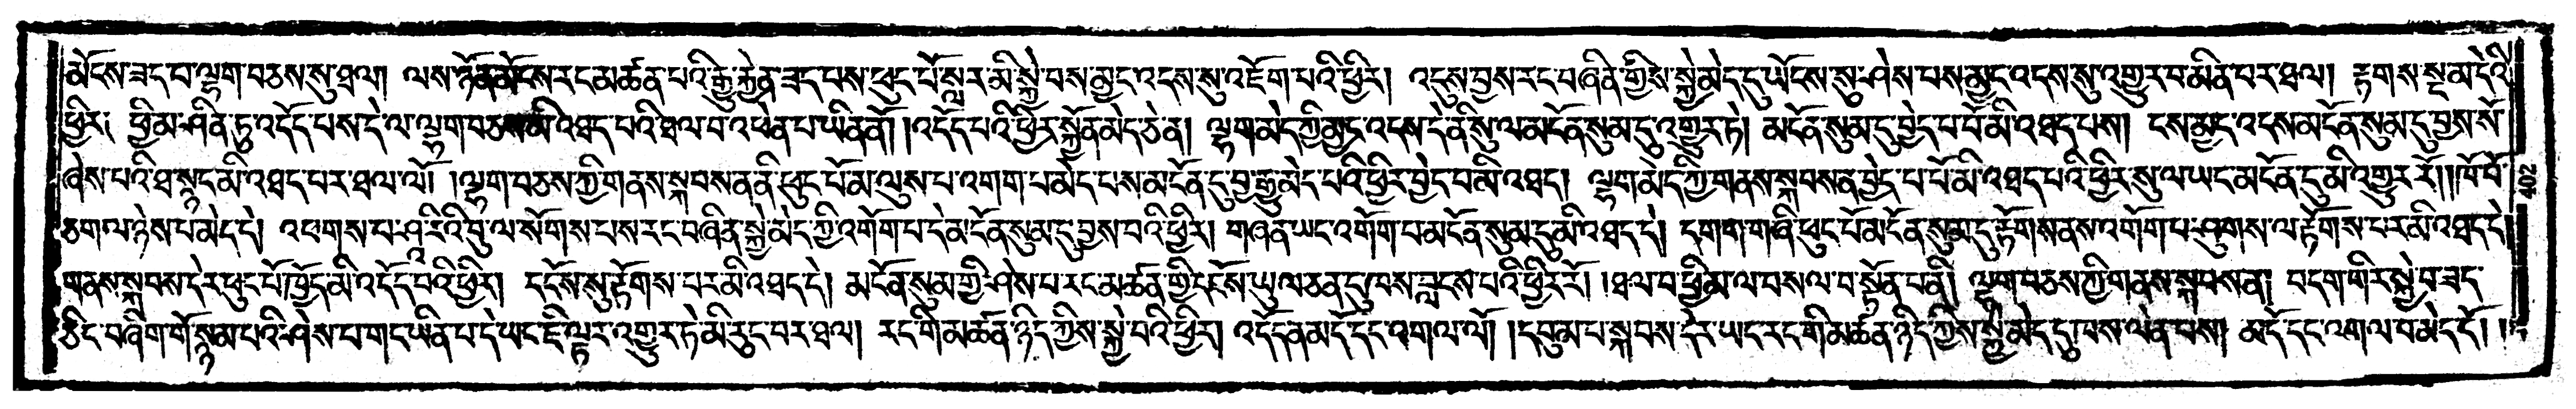མོངས་ཟད་པ་ལྷག་བཅས་སུ་ཐལ། ལས་ཉོན་མོངས་རང་མཚན་པའི་རྒྱུ་རྐྱེན་ཟད་པས་ཕུང་པོ་སླར་མི་སྐྱེ་བས་མྱང་འདས་སུ་འཇོག་པའི་ཕྱིར། འདུས་བྱས་རང་བཞིན་གྱིས་སྐྱེ་མེད་དུ་ཡོངས་སུ་ཤེས་པས་མྱང་འདས་སུ་འགྱུར་བ་མིན་པར་ཐལ། རྟགས་སྔ་མ་དེའི་
ཕྱིར། ཕྱི་མ་ཤིན་ཏུ་འདོད་པས་དེ་ལ་ལྷག་བཅས་མི་འཐད་པའི་ཐལ་བ་འཕེན་པ་ཡིན་ནོ། །འདོད་པའི་ཕྱིར་སྐྱོན་མེད་ཅེ་ན། ལྷག་མེད་ཀྱི་མྱང་འདས་དེ་ནི་སུ་ལ་མངོན་སུམ་དུ་འགྱུར་ཏེ། མངོན་སུམ་དུ་བྱེད་པ་པོ་མི་འཐད་པས། ངས་མྱང་འདས་མངོན་སུམ་དུ་བྱས་སོ་
ཞེས་པའི་ཐ་སྙད་མི་འཐད་པར་ཐལ་ལོ། །ལྷག་བཅས་ཀྱི་གནས་སྐབས་ན་ནི་ཕུང་པོ་མ་ལུས་པ་འགག་པ་མེད་པས་མངོན་དུ་བྱ་རྒྱུ་མེད་པའི་ཕྱིར་བྱེད་པ་མི་འཐད། ལྷག་མེད་ཀྱི་གནས་སྐབས་ན་བྱེད་པ་པོ་མི་འཐད་པའི་ཕྱིར་སུ་ལ་ཡང་མངོན་དུ་མི་འགྱུར་རོ། །ཁོ་བོ་
ཅག་ལ་ཉེས་པ་མེད་དེ། འཕགས་པ་ཤཱ་རིའི་བུ་ལ་སོགས་པས་རང་བཞིན་སྐྱེ་མེད་ཀྱི་འགོག་པ་དེ་མངོན་སུམ་དུ་བྱས་པའི་ཕྱིར། གཞན་ཡང་འགོག་པ་མངོན་སུམ་དུ་མི་འཐད་དེ། དགག་གཞི་ཕུང་པོ་མངོན་སུམ་དུ་རྟོགས་ནས་འགོག་པ་ཤུགས་ལ་རྟོགས་པར་མི་འཐད་དེ།
གནས་སྐབས་དེར་ཕུང་པོ་ཁྱོད་མི་འདོད་པའི་ཕྱིར། དངོས་སུ་རྟོགས་པར་མི་འཐད་དེ། མངོན་སུམ་གྱི་ཤེས་པ་རང་མཚན་གྱི་དངོས་ཡུལ་ཅན་དུ་ཁས་བླངས་པའི་ཕྱིར་རོ། །ཐལ་བ་ཕྱི་མ་ལ་བསལ་བ་སྟོན་པ་ནི། ལྷག་བཅས་ཀྱི་གནས་སྐབས་ན། བདག་གིར་སྐྱེ་བ་ཟད་
ཅིང་བཞིག་གོ་སྙམ་པའི་ཤེས་པ་གང་ཡིན་པ་དེ་ཡང་ཇི་ལྟར་འགྱུར་ཏེ་མི་རུང་བར་ཐལ། རང་གི་མཚན་ཉིད་ཀྱིས་སྐྱེ་བའི་ཕྱིར། འདོད་ན་མདོ་དང་འགལ་ལོ། །དབུ་མ་པ་སྐབས་དེར་ཡང་རང་གི་མཚན་ཉིད་ཀྱིས་སྐྱེ་མེད་དུ་ཁས་ལེན་པས། མདོ་དང་འགལ་བ་མེད་དོ། །